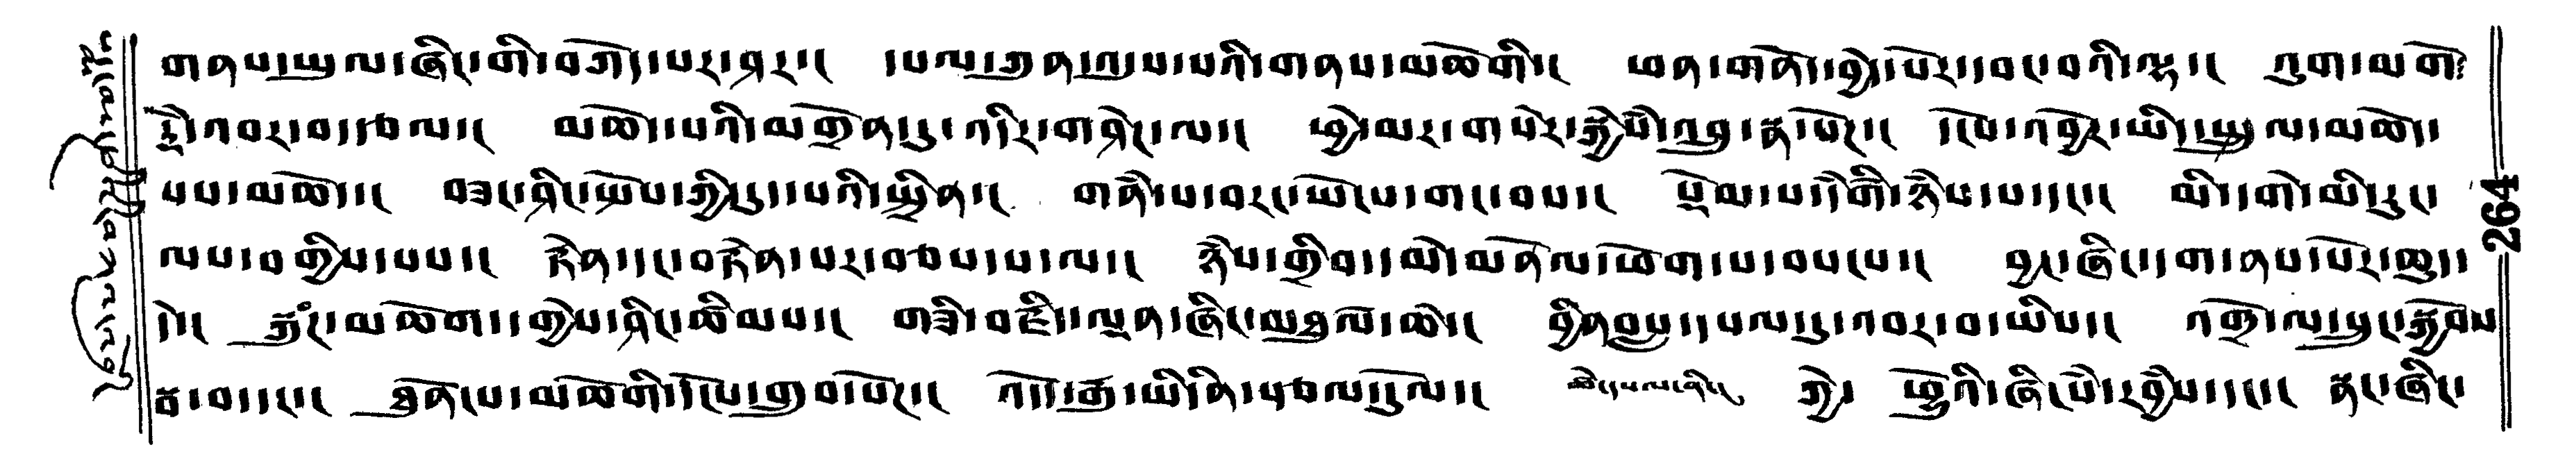།གནས་ཡུལ་ཞིང་གི་བཀོད་པར་ཤར། །དཔལ་ཀུན་འདུས་པའི་གནས་མཆོག་གི །ཕན་གནོད་བྱེད་པོར་དབང་བའི་ལྷ། །འུག་མགོ་
རྡོ་རྗེ་འབར་བ་རྩལ། །མཆོད་པའི་མགྲོན་དུ་འདིར་གཤེགས་ལ། །ཕྱེ་མར་གསེར་སྐྱེམས་འབྲུ་སྣ་སོགས། །དངོས་འབྱོར་ཡིད་སྤྲུལ་མཆོད་
པས་མཆོད། །བཟང་ཤིང་སྤོས་ཀྱི་དུད་པའི་སྤྲིན། །གནམ་ས་བར་ནང་ཡོངས་གང་བས། །སྡོམ་པ་དམ་ཚིག་ཉམས་པ་དང་། །མི་དགེ་མི་རུང་
ལས་བགྱིས་པས། །རྟེན་དང་བརྟེན་པར་བཅས་པ་ལ། །ཉམས་གྲིབ་དམེ་མནོལ་ཕོག་པ་བསངས། །བྱང་ཞིང་དག་ནས་སོར་ཆུད་
དེ། །སྐུ་གསུང་ཐུགས་མཆོག་དགྱེས་ཤིང་ཚིམས། །གཟི་བརྗིད་ལྡན་ཞིང་མཐུ་ཙལ་ཚེ། །བྱིན་རླབས་དཔལ་དུ་འབར་བ་ཡིས། །འགྲོ་ལ་སྲུང་སྐྱོབས་
སྦ་བ་དང་། །ཐུན་མོངས་པ་མཆོག་གི་དངོས་གྲུབ་སོགས། །འདོད་རྒུ་ཡིད་བཞིན་བསྩལ་དུ་གསོལ། ཚེ་དཔལ་ནི། ཀྱཻ། །ཕྱོགས་བཅུའི་ཞིང་ཁམས་རབ་འབྱམས་དང་། །སྣང་ཞིང་